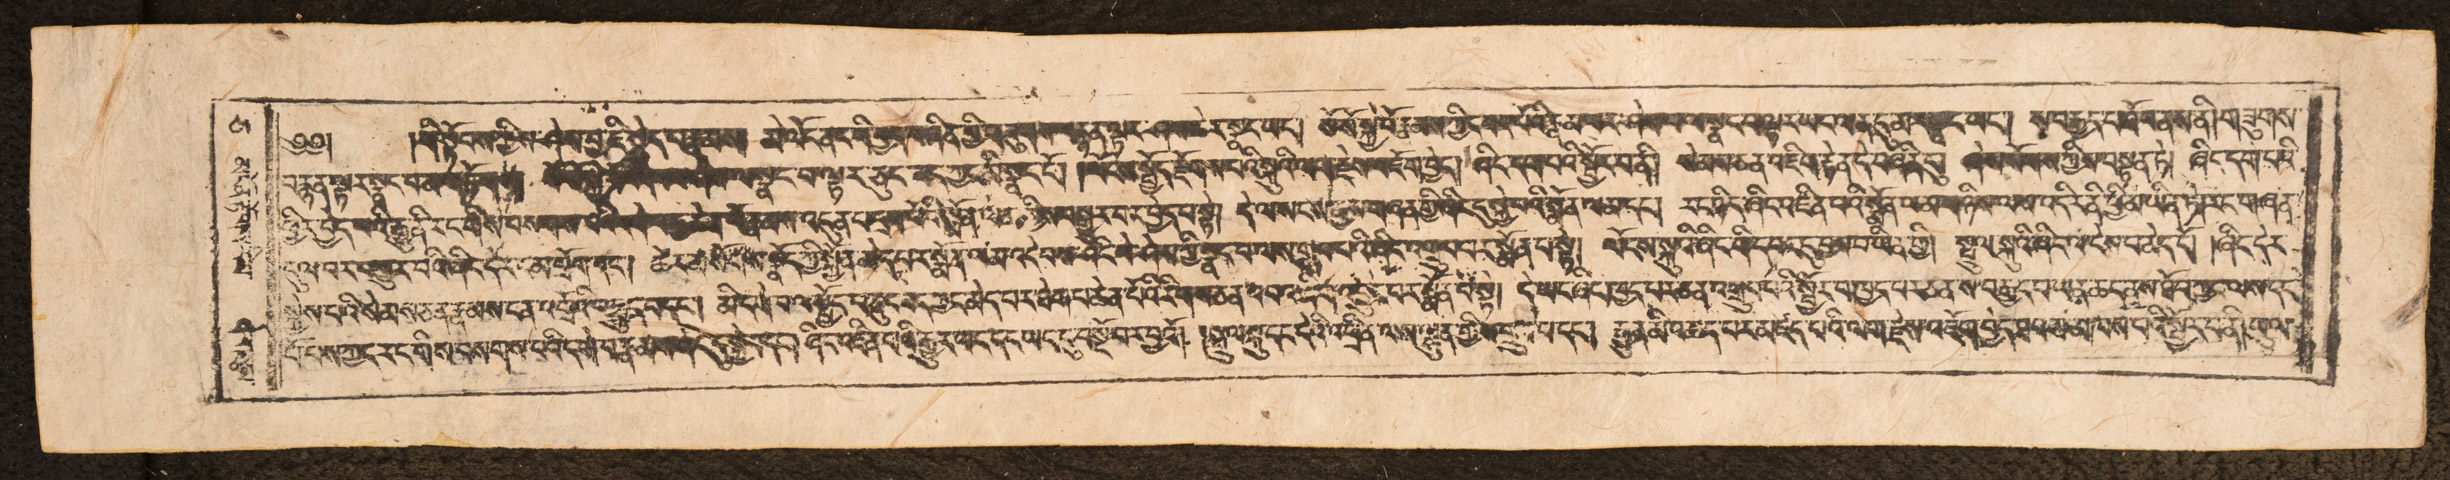༄༅། །གི་སྟོབས་ཀྱིས་ཤེས་བྱ་ཇི་སྙེད་པ་རྣམས། མེ་ལོང་ནང་གི་བྱད་བཞིན་གྱི་གཟུགས་བརྙན་ལྟར་ཤས་ཆེར་སྣང་ཡང་། སོ་སོ་སྐྱེ་བོ་རྣམས་ཀྱི་དབང་པོའི་རྣམ་པར་ཤེས་པ་ལ་སྣང་བ་ལྟར་ཡང་ལན་དུ་མར་སྣང་ཡང་། ས་བརྒྱད་པ་ཐོབ་ནས་ནི། གཟུགས་
བརྙན་ལྟར་སྣང་བ་མ་གཏོགས། སོ་སོ་སྐྱེ་བོའི་དབང་ཤེས་ལ་སྣང་བ་ལྟར་ཅུང་ཟད་ཀྱང་མི་སྣང་ངོ། །ལོངས་སྤྱོད་རྫོགས་པའི་སྐུའི་ལག་རྗེས་འཇོག་བྱེད། ཞིང་དག་པའི་སྦྱོར་བ་ནི། སེམས་ཅན་འཇིག་རྟེན་དེ་བཞིན་དུ། ཞེས་སོགས་ཀྱིས་བསྟན་ཏེ། ཞིང་དག་པའི་
ཕྱིར་བྱེད་པའི་རྒྱུ་ནི་རང་གིས་བསགས་པའི་དགེ་བ་རྒྱ་ཆེན་པོ་རྣམས་འདུན་པ་དྲག་པོའི་སྨོན་ལམ་གྱིས་བསྒྱུར་བར་བྱེད་པ་སྟེ། དེ་ལ་སངས་རྒྱས་གཞན་གྱི་ཞིང་དུ་སྐྱེ་བའི་སྨོན་ལམ་དང་། རང་ཉིད་ཞིང་འཛིན་པའི་སྨོན་ལམ་གཉིས་ལས་འདིར་ནི་ཕྱི་མ་ཡིན་ཏེ། རང་གཞན་
དུལ་བར་འགྱུར་བའི་ཞིང་དེར་དམ་གྲོག་དང་། ཚེར་མ་སོགས་སྣོད་ཀྱི་སྐྱོན་མེད་པར་སྨོན་ལམ་འདེབས་ཤིང་ཡེ་ཤེས་ཀྱི་སྣང་བ་ལས་གྲུབ་པའི་ཞིང་འགྲུབ་པར་སྨོན་པ་སྟེ། ལོངས་སྐུའི་ཞིང་གི་དབང་དུ་བྱས་པ་ཡིན་གྱི། སྤྲུལ་སྐུའི་ཞིང་ལ་ངེས་པ་མེད་དོ། །ཞིང་དེར་
སྐྱེས་པའི་སེམས་ཅན་རྣམས་ངན་འགྲོའི་བརྒྱུད་པ་དང་། མི་དགེ་བ་ལ་སྤྱོད་པ་ཅུང་ཟད་ཀྱང་མེད་པར་ཐེག་པ་ཆེན་པོའི་རིགས་ཅན་འབའ་ཞིག་འབྱུང་བར་སྨོན་པ་སྟེ། དེ་ཡང་ཞིང་ཁྱད་པར་ཅན་འགྲུབ་པའི་སྦྱོར་བ་ཁྱད་པར་ཅན་ས་བརྒྱད་པ་ཡན་ཆད་ནས་ཐོབ་ཀྱང་ལས་དང་
པོ་པས་ཀྱང་རང་གིས་བསགས་པའི་དགེ་བ་རྣམས་ཞིང་དུ་སྐྱེ་བ་དང་། ཞིང་འཛིན་པའི་རྒྱུར་ཡང་དང་ཡང་དུ་བསྔོ་བར་བྱའོ། །སྤྲུལ་སྐུ་དང་དེའི་འཕྲིན་ལས་ལྷུན་གྱིས་གྲུབ་པ་དང་། རྒྱུན་མི་འཆད་པར་མཛད་པའི་ལག་རྗེས་འཇོག་བྱེད་ཐབས་མཁས་པའི་སྦྱོར་བ་ནི། ཡུལ་